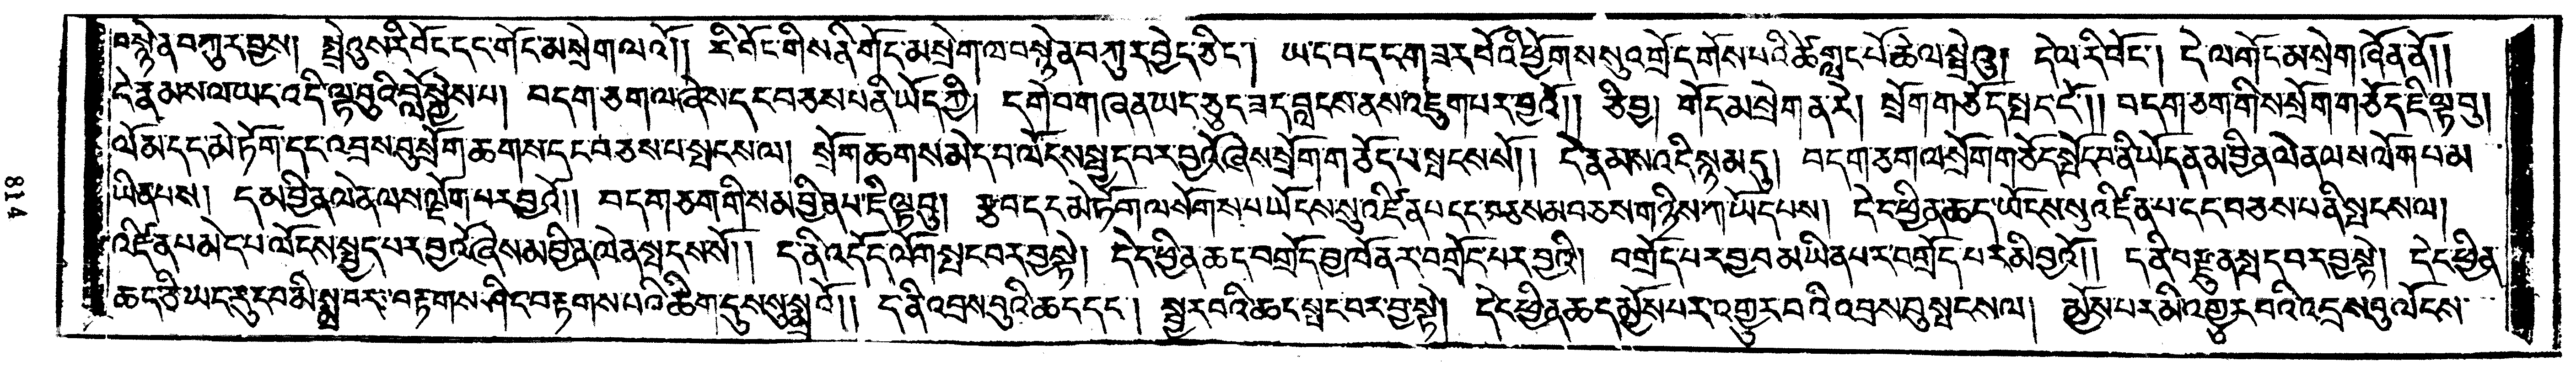བསྙེན་བཀུར་བྱས། སྤྲེའུས་རི་བོང་དང་གོང་མ་སྲེག་ལའོ།། རི་བོང་གིས་ནི་གོང་མ་སྲེག་ལ་བསྙེན་བཀུར་བྱེད་ཅིང་། ཡང་བ་དང་གཟར་བོའི་ཕྱོགས་སུ་འགྲོ་དགོས་པའི་ཚེ་གླང་པོ་ཆེ་ལ་སྤྲེའུ། དེ་ལ་རི་བོང་། དེ་ལ་གོང་མ་སྲེག་ཞོན་ནོ།།
དེ་རྣམས་ལ་ཡང་འདི་ལྟ་བུའི་བློ་སྐྱེས་པ། བདག་ཅག་ལ་ཞེས་དང་བཅས་པ་ནི་ཡོད་ཀྱི། དགེ་བ་གཞན་ཡང་ཅུང་ཟད་བླངས་ནས་འཇུག་པར་བྱའོ།། ཅི་བྱ། གོང་མ་སྲེག་ན་རེ། སྲོག་གཅོད་སྤང་ངོ།། བདག་ཅག་གིས་སྲོག་གཅོད་ཇི་ལྟ་བུ།
ལོ་མ་དང་མེ་ཏོག་དང་འབྲས་བུ་སྲོག་ཆགས་དང་བཅས་པ་སྤངས་ལ། སྲོག་ཆགས་མེད་པ་ལོངས་སྤྱད་བར་བྱའོ་ཞེས་སྲོག་གཅོད་པ་སྤངས་སོ།། དེ་རྣམས་འདི་སྙམ་དུ། བདག་ཅག་ལ་སྲོག་གཅོད་སྤོང་བ་ནི་ཡོད་ན་མ་བྱིན་ལེན་ལས་ལོག་པ་མ་
ཡིན་པས། དམ་བྱིན་ལེན་ལས་ལྡོག་པར་བྱའོ།། བདག་ཅག་གིས་མ་བྱིན་པ་ཇི་ལྟ་བུ། རྩ་བ་དང་མེ་ཏོག་ལ་སོགས་པ་ཡོངས་སུ་འཛིན་པ་དང་བཅས་མ་བཅས་གཉིས་ཀ་ཡོད་པས། དེང་ཕྱིན་ཆད་ཡོངས་སུ་འཛིན་པ་དང་བཅས་པ་ནི་སྤངས་ལ།
འཛིན་པ་མེད་པ་ལོངས་སྤྱད་པར་བྱའོ་ཞེས་མ་བྱིན་ལེན་སྤངས་སོ།། ད་ནི་འདོད་ལོག་སྤང་བར་བྱ་སྟེ། དེང་ཕྱིན་ཆད་བགྲོད་བྱ་ཁོ་ནར་བགྲོད་པར་བྱའི། བགྲོད་པར་བྱ་བ་མ་ཡིན་པར་བགྲོད་པར་མི་བྱའོ།། ད་ནི་བརྫུན་སྤད་བར་བྱ་སྟེ། དེང་ཕྱིན་
ཆད་ཅི་ཡང་རུང་བ་མི་སྨྲ་བར་བརྟགས་ཤིང་བརྟགས་པའི་ཚིག་དུས་སུ་སྨྲའོ།། ད་ནི་འབྲས་བུའི་ཆད་དང་། སྦྱར་བའི་ཆང་སྤང་བར་བྱ་སྟེ། དེང་ཕྱིན་ཆད་མྱོས་པར་འགྱུར་བའི་འབྲས་བུ་སྤངས་ལ། མྱོས་པར་མི་འགྱུར་བའི་འདྲས་བུ་ལོངས་